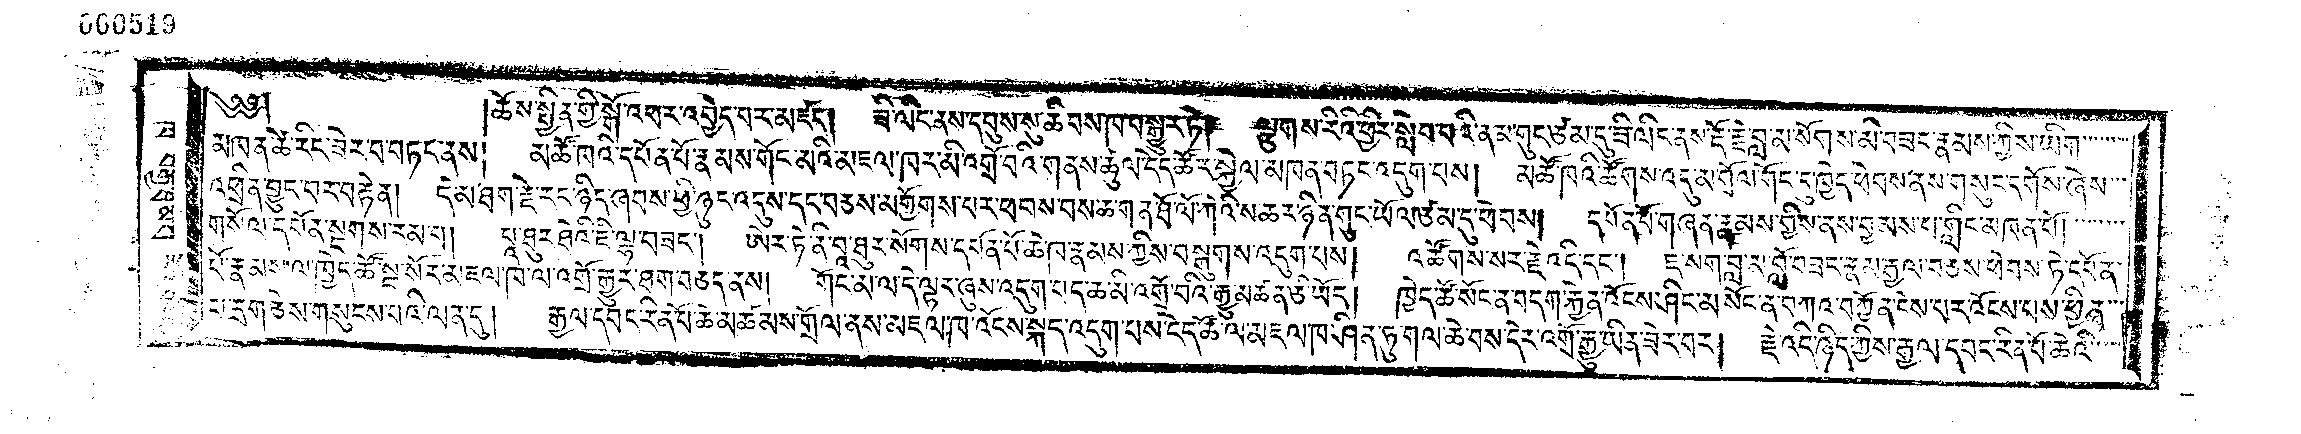༄༅། །ཆོས་སྦྱིན་གྱི་སྒོ་འཕར་འབྱེད་པར་མཛད། ཟི་ལིང་ནས་དབུས་སུ་ཆིབས་ཁ་བསྒྱུར་ཏེ། ལྕགས་རིའི་ཕྱིར་སླེབ་པའི་ནམ་གུང་ཙམ་དུ་ཟི་ལིང་ནས་རྡོ་རྗེ་བླ་མ་སོགས་མི་བཟང་རྣམས་ཀྱིས་ཡིག་
མཁན་ཚེ་རིང་ཟེར་བ་བཏང་ནས། མཚོ་ཁའི་དཔོན་པོ་རྣམས་གོང་མའི་མཇལ་ཁར་མི་འགྲོ་བའི་གནས་ཚུལ་ངེད་ཚོར་སྐྱེལ་མཁན་བཏང་འདུག་པས། མཚོ་ཁའི་ཚོགས་འདུ་མ་གྲོལ་གོང་དུ་ཁྱེད་ཕེབས་ནས་གསུང་དགོས་ཞེས་
འཕྲིན་བྱུང་བར་བརྟེན། དེ་མ་ཐག་རྗེ་རང་ཉིད་ཞབས་ཕྱི་ཉུང་འདུས་དང་བཅས་མགྱོགས་པར་ཕེབས་པས་ཆ་གན་ཐོ་ལོ་ཀེའི་ས་ཆར་ཉིན་གུང་ཡོལ་ཙམ་དུ་ཕེབས། དཔོན་པོ་གཞན་རྣམས་གྱེས་ནས་བྱམས་པ་གླིང་མཁན་པོ།
གསོལ་དཔོན་སྔགས་རམ་པ། པཱ་ཐུར་ཐེའི་ཇི་ལྷ་བཟང་། ཨེར་ཏེ་ནི་པཱ་ཐུར་སོགས་དཔོན་པོ་ཆེ་ཁ་རྣམས་ཀྱིས་བསྒུགས་འདུག་པས། འཚོགས་སར་རྗེ་འདི་དང་། ཇ་སག་བླ་མ་བློ་བཟང་རྣམ་རྒྱལ་བཅས་ཕེབས་ཏེ་དཔོན་
པོ་རྣམས་ལ་ཁྱེད་ཚོ་སྔ་སོར་མཇལ་ཁ་ལ་འགྲོ་རྒྱུར་ཐག་བཅད་ནས། གོང་མ་ལ་དེ་ལྟར་ཞུས་འདུག་པ་ད་ཆ་མི་འགྲོ་བའི་རྒྱུ་མཚན་ཅི་ཡོད། ཁྱེད་ཚོ་སོང་ན་བདག་རྐྱེན་འོངས་ཤིང་མ་སོང་ན་བཀའ་བཀྱོན་ངེས་པར་འོངས་པས་ཕྱིན་
པ་དྲག་ཅེས་གསུངས་པའི་ལན་དུ། རྒྱལ་དབང་རིན་པོ་ཆེ་མཚམས་གྲོལ་ནས་མཇལ་ཁ་འོངས་སྐད་འདུག་པས་ངེད་ཚོ་ལ་མཇལ་ཁ་ཤིན་ཏུ་གལ་ཆེ་བས་དེར་འགྲོ་རྒྱུ་ཡིན་ཟེར་བར། རྗེ་འདི་ཉིད་ཀྱིས་རྒྱལ་དབང་རིན་པོ་ཆེའི་